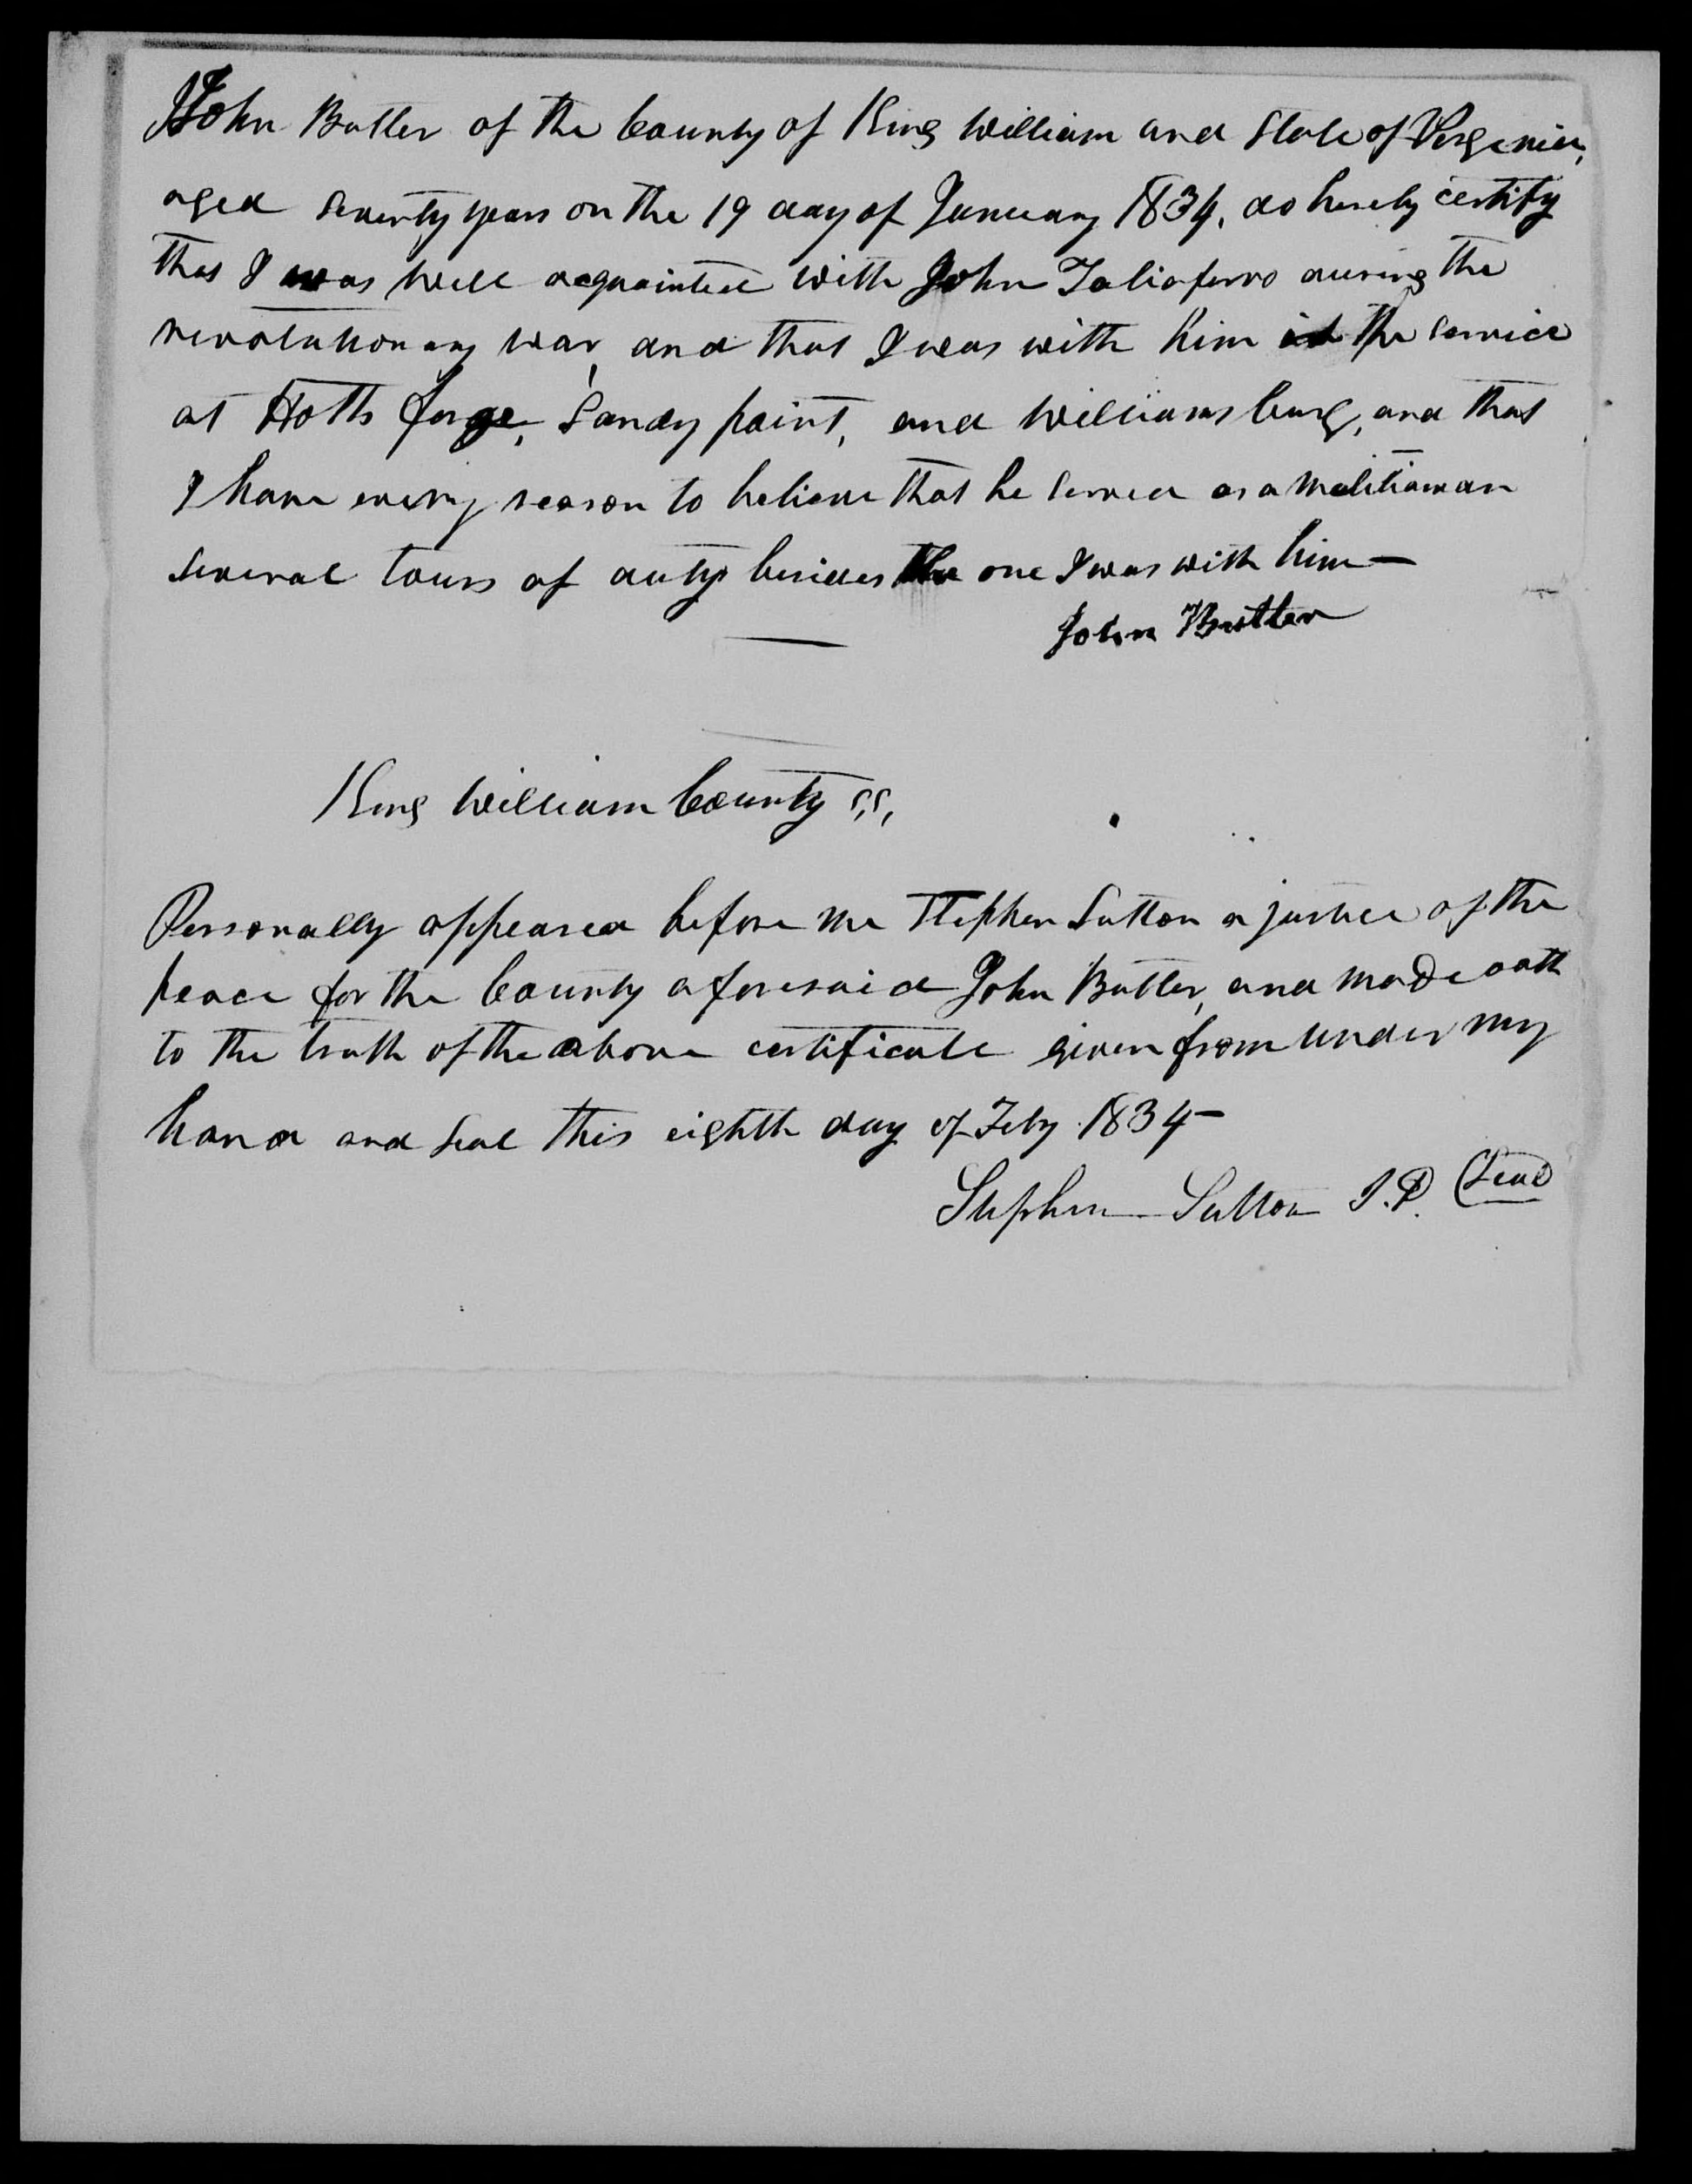I John Butler of the County of King William and state of Virginia aged seventy years on the 19 day of January 1834, do hereby certify that I was well acquainted with John Taliaferro during the revolution war and that I was with him in the service at Holts Forge, Sandy Point, and Williamsburg, and that I have every reason to believe that he served as a militiaman several tours of duty besides the one I was with him--
John Butler

King William County
Personally appeared before me Mr Stephen Sutton a justice of the peace for the county aforesaid John Butler, and made oath to the truth of the above certificate given from under my hand and seal this eighth day of July 1834 - 
Stephen Sutton J.P. {seal}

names: John Butler; John Butler; John Taliaferro; John Butler; Stephen Sutton; Stephen Sutton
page: 17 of 34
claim: survivor's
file: S. 19483, for John Taliaferro, Virginia